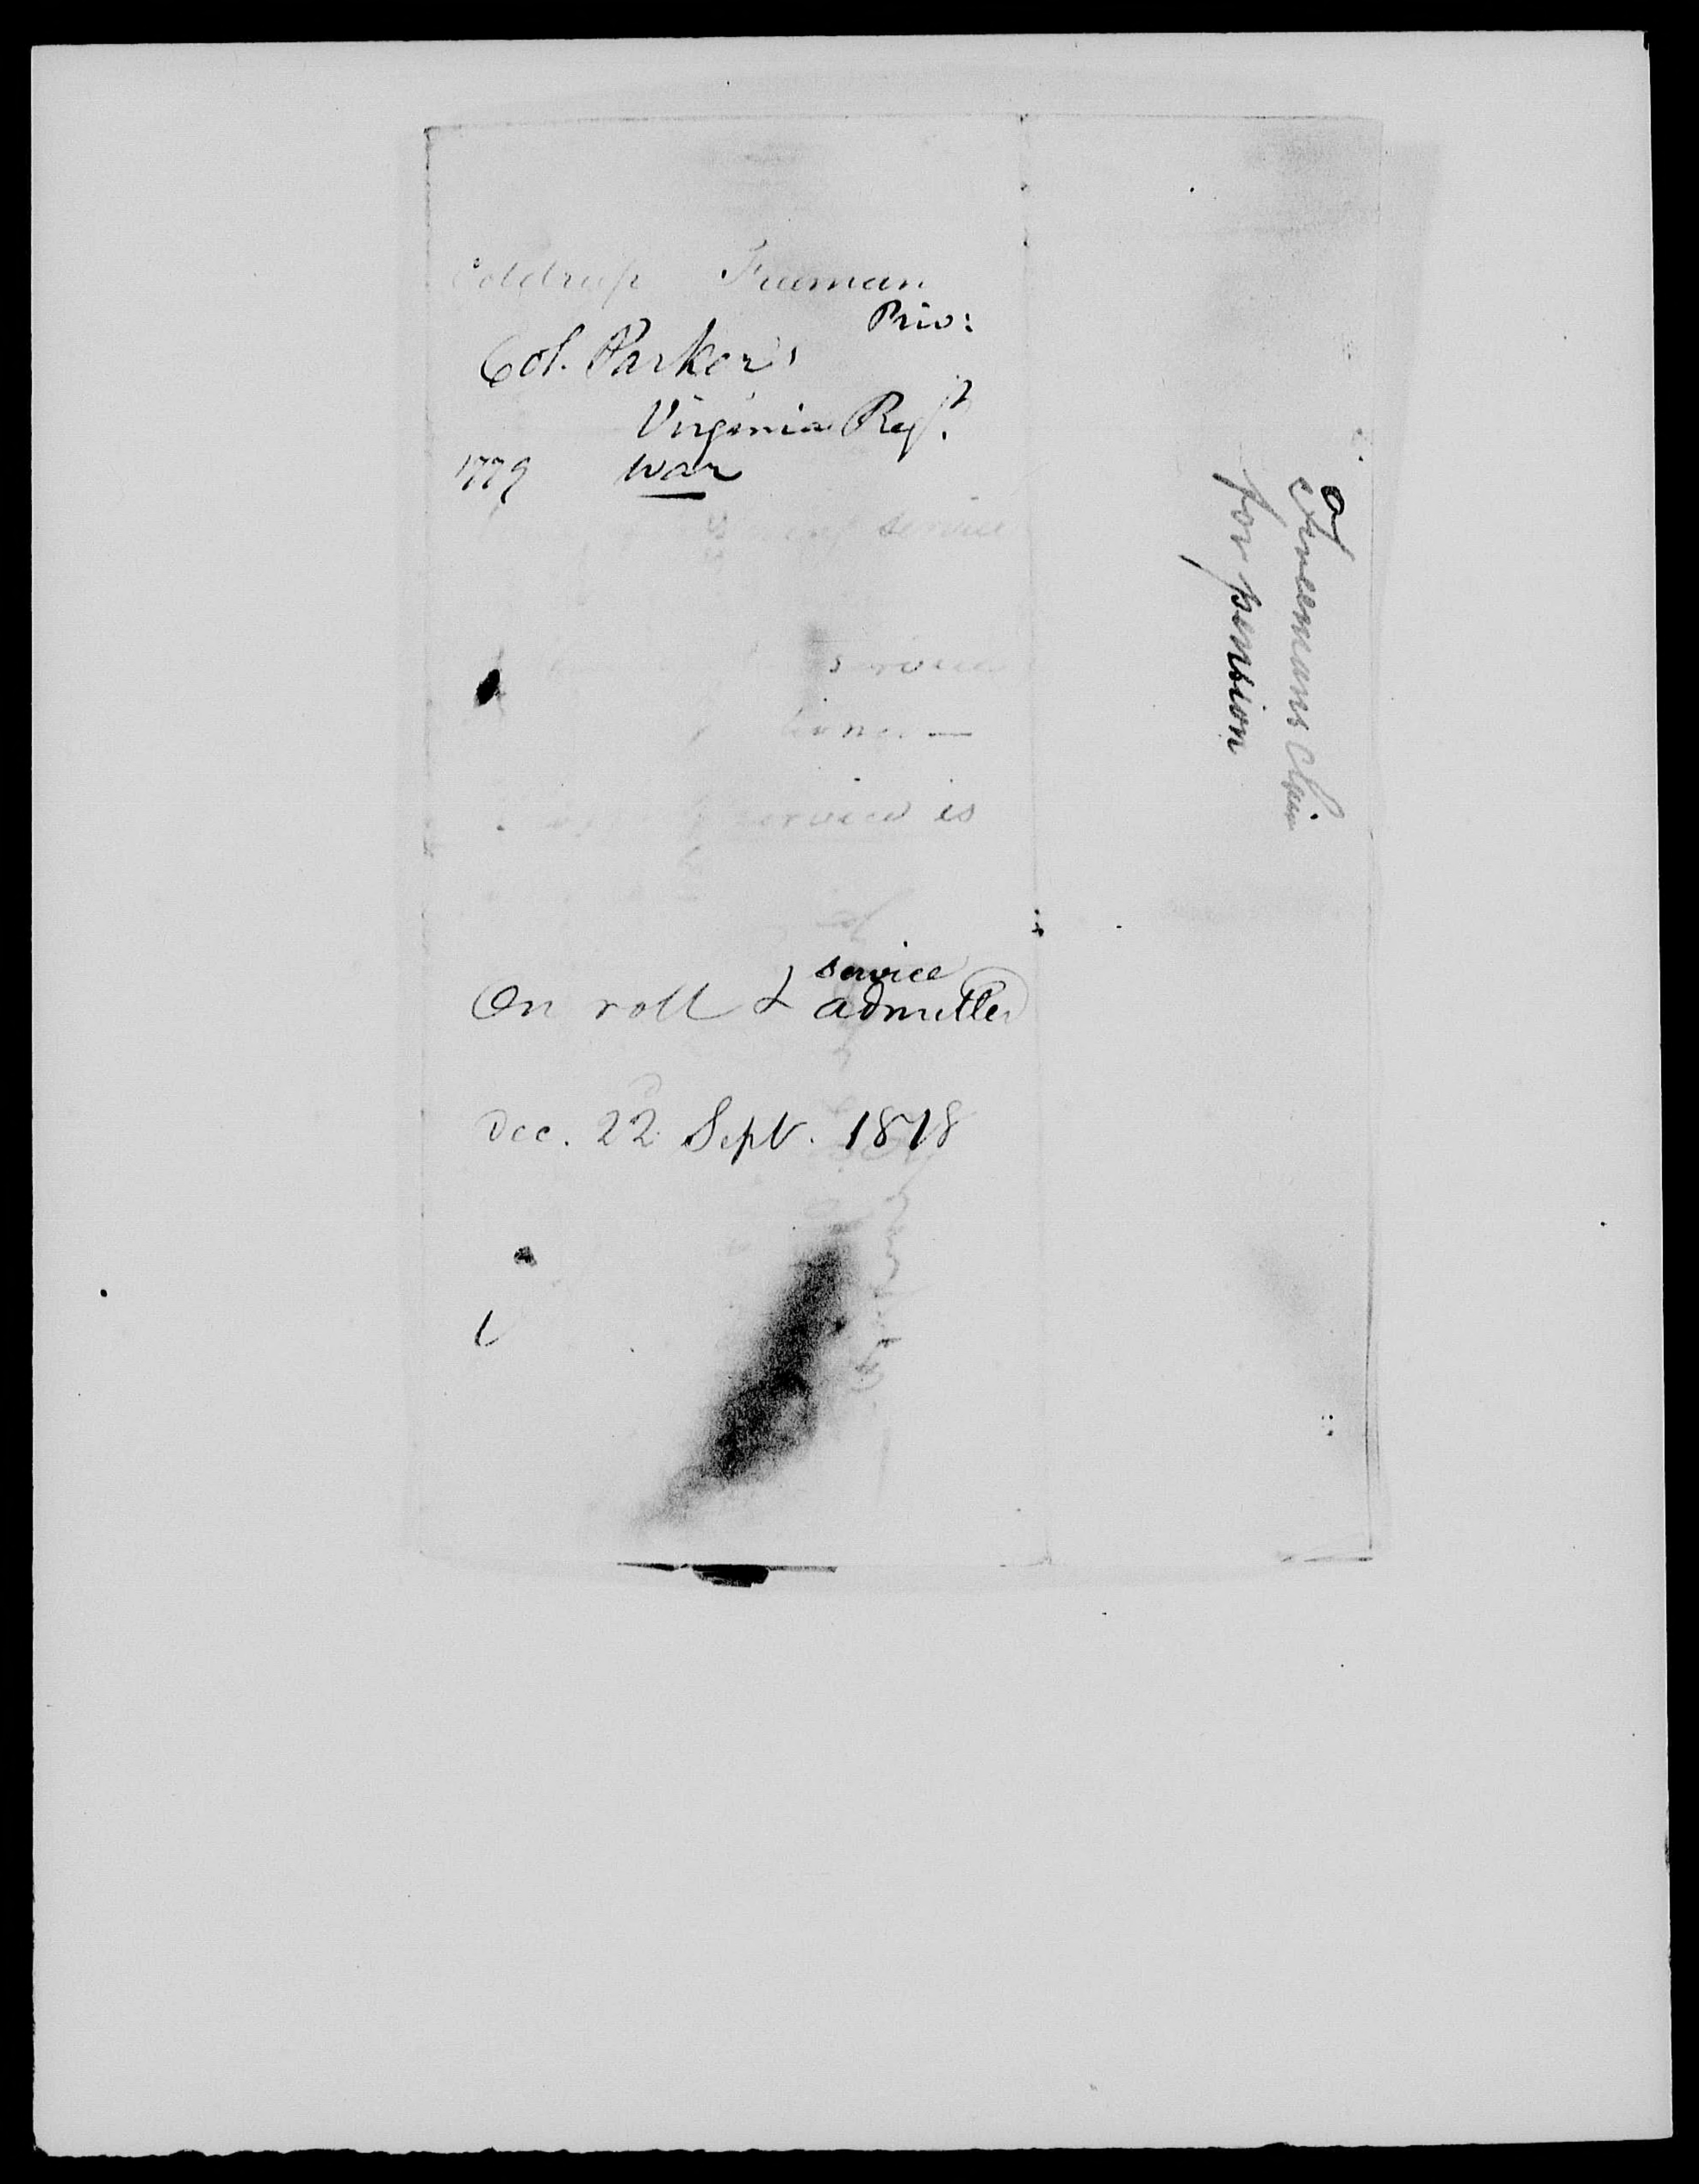Coldrup Freeman  Priv:
G of Parker
Virginia Rev
1779 war

On Roll Service admitted

Dec. 22 Sept 1818

Freeman claim for pension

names: Freemans, Coldrup Freeman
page: 3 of 15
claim: survivor's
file: S. 37,941, Coldrup Freeman, Va.